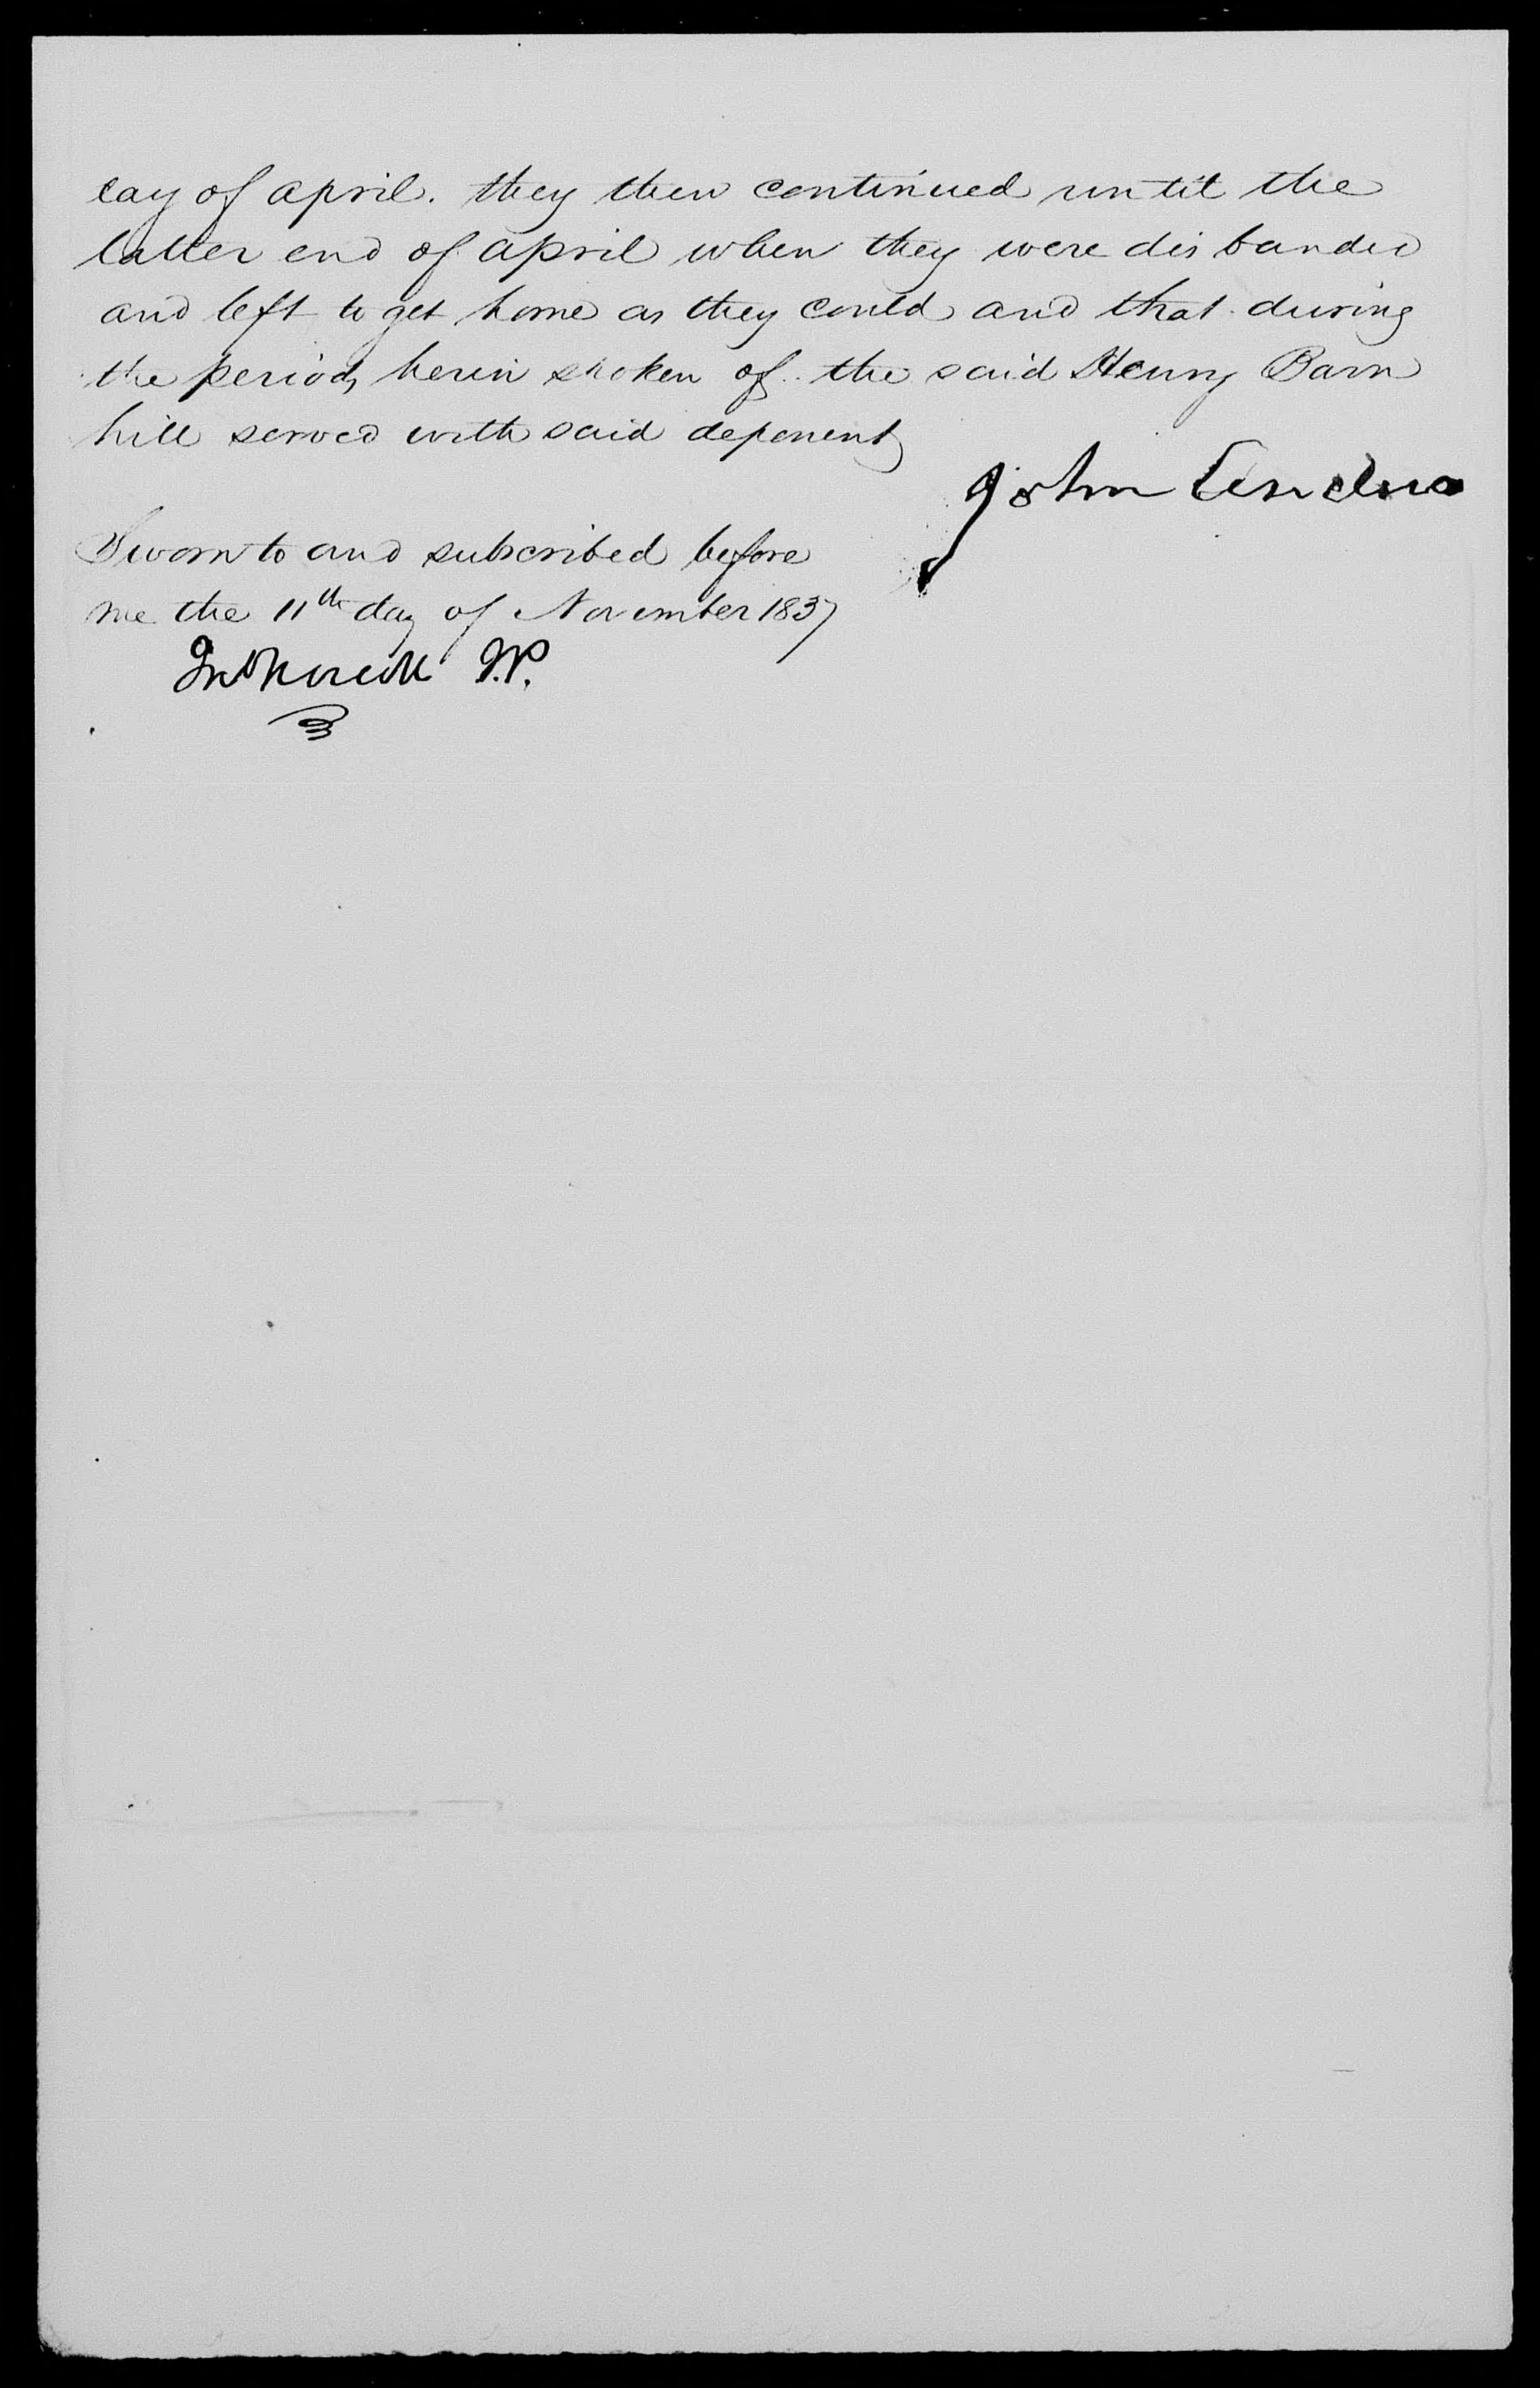day of April. they then continued until the latter end of April when they were disbanded and left to get home as they could and that during the period, herein spoken of. the said Henry Barnhill served with said deponent
S/John Anders

Sworn to and subscribed before me the 11th day of November 1837
S/Jno Norcott J.P.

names: John Anders, Jno Norcott, Henry Barnhill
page: 16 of 42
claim: survivor's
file: S. 6579, Henry Barnhill, N. C.